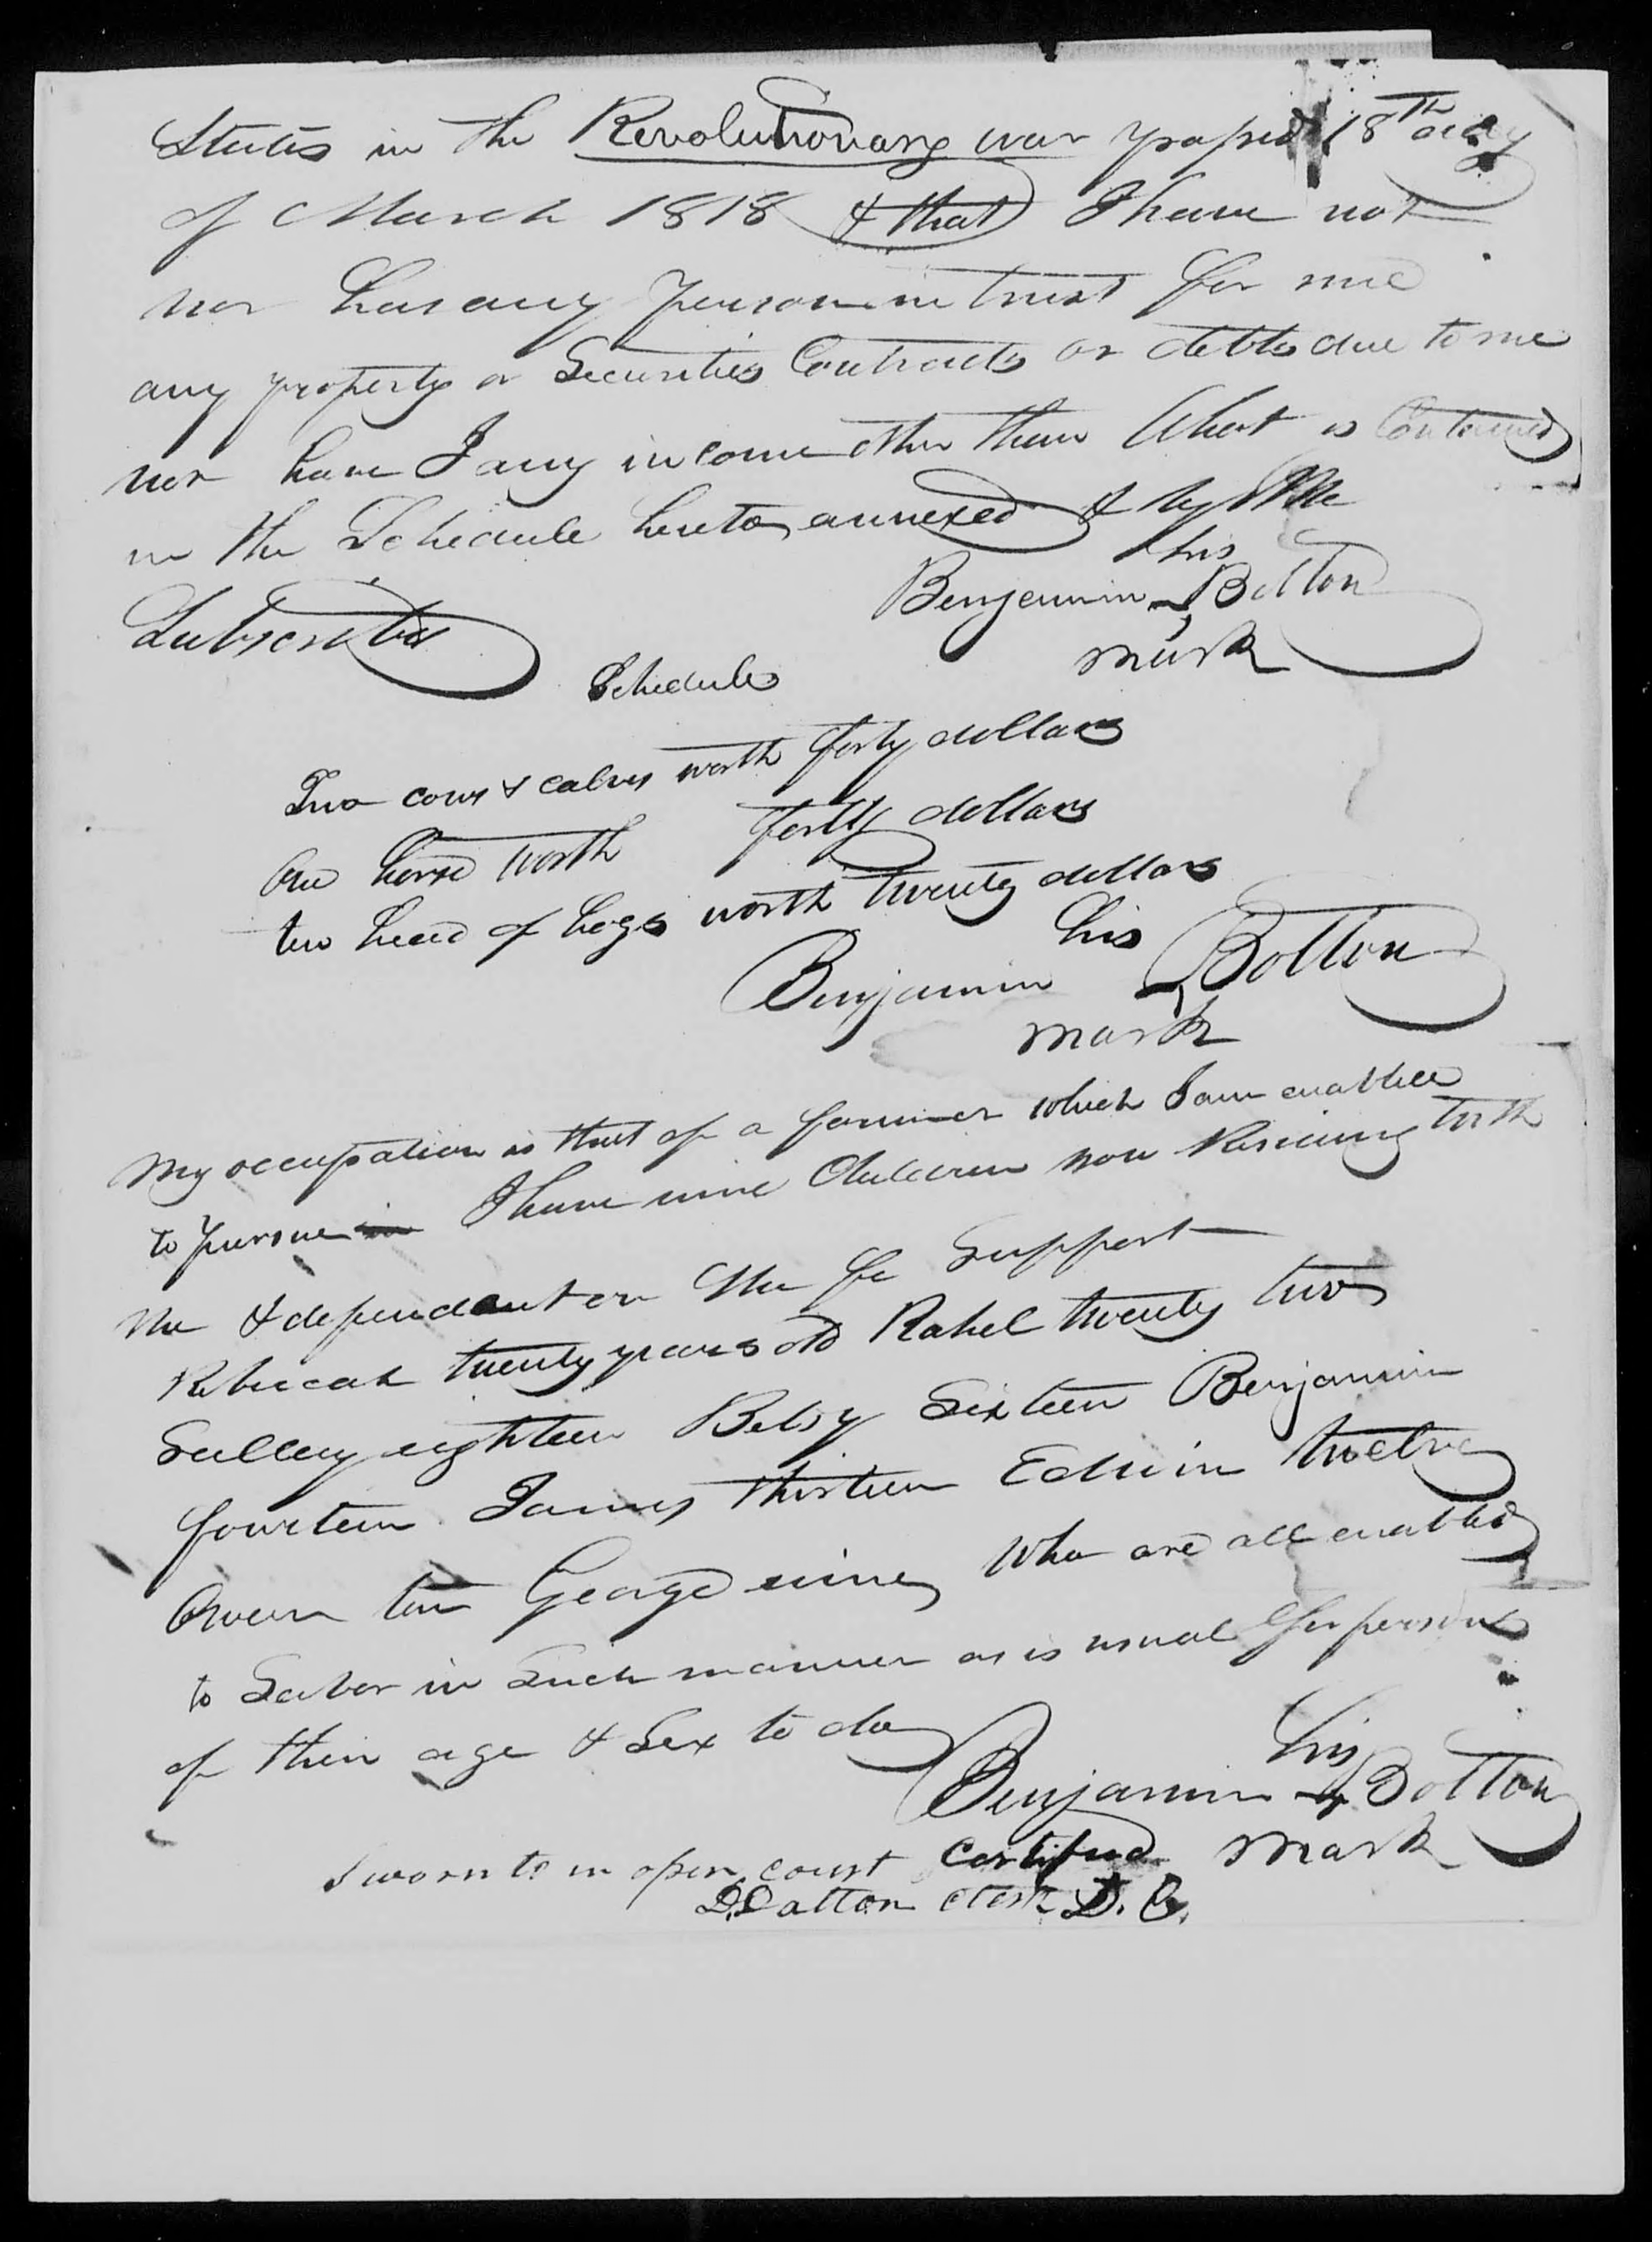States in the Revolutionary War passed 18th day of March 1818 & that I have not nor have any person in trust for me any property or security contracts of debts due to me nor have I any income other than what is contained in the schedule hereto annexed & by me subscribed

Benjamin Bolton (his mark)

Schedule
Two cows & calves worth forty dollars
One horse worth forty dollars
Two head of hogs worth twenty dollars

Benjamin Bolton (his mark)

My occupation is that of a farmer which I am unable to pursue.  I have nine children now  living with me & dependent on me for support.

Rebecah twenty years old
Rachel twenty two
Sulley eighteen
Betsy sixteen
Benjamin fourteen
James thirteen
Edwin twelve
Owen ten
George nine
who are all unable to labor in such manner as is usual for persons of their age & sex to do

Benjamin Bolton (his mark)
sworn in open court certified
D. Dalton Clerk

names: Rebeccah, Benjamin Bolton, Betsy, James, D Dalton, Benjamin Bolton, Benjamin Bolton, Owen, Rahel, Edwin, George, Benjamin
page: 9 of 29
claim: survivor's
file: S. 37,795, Benjamin Bolton, N.C.